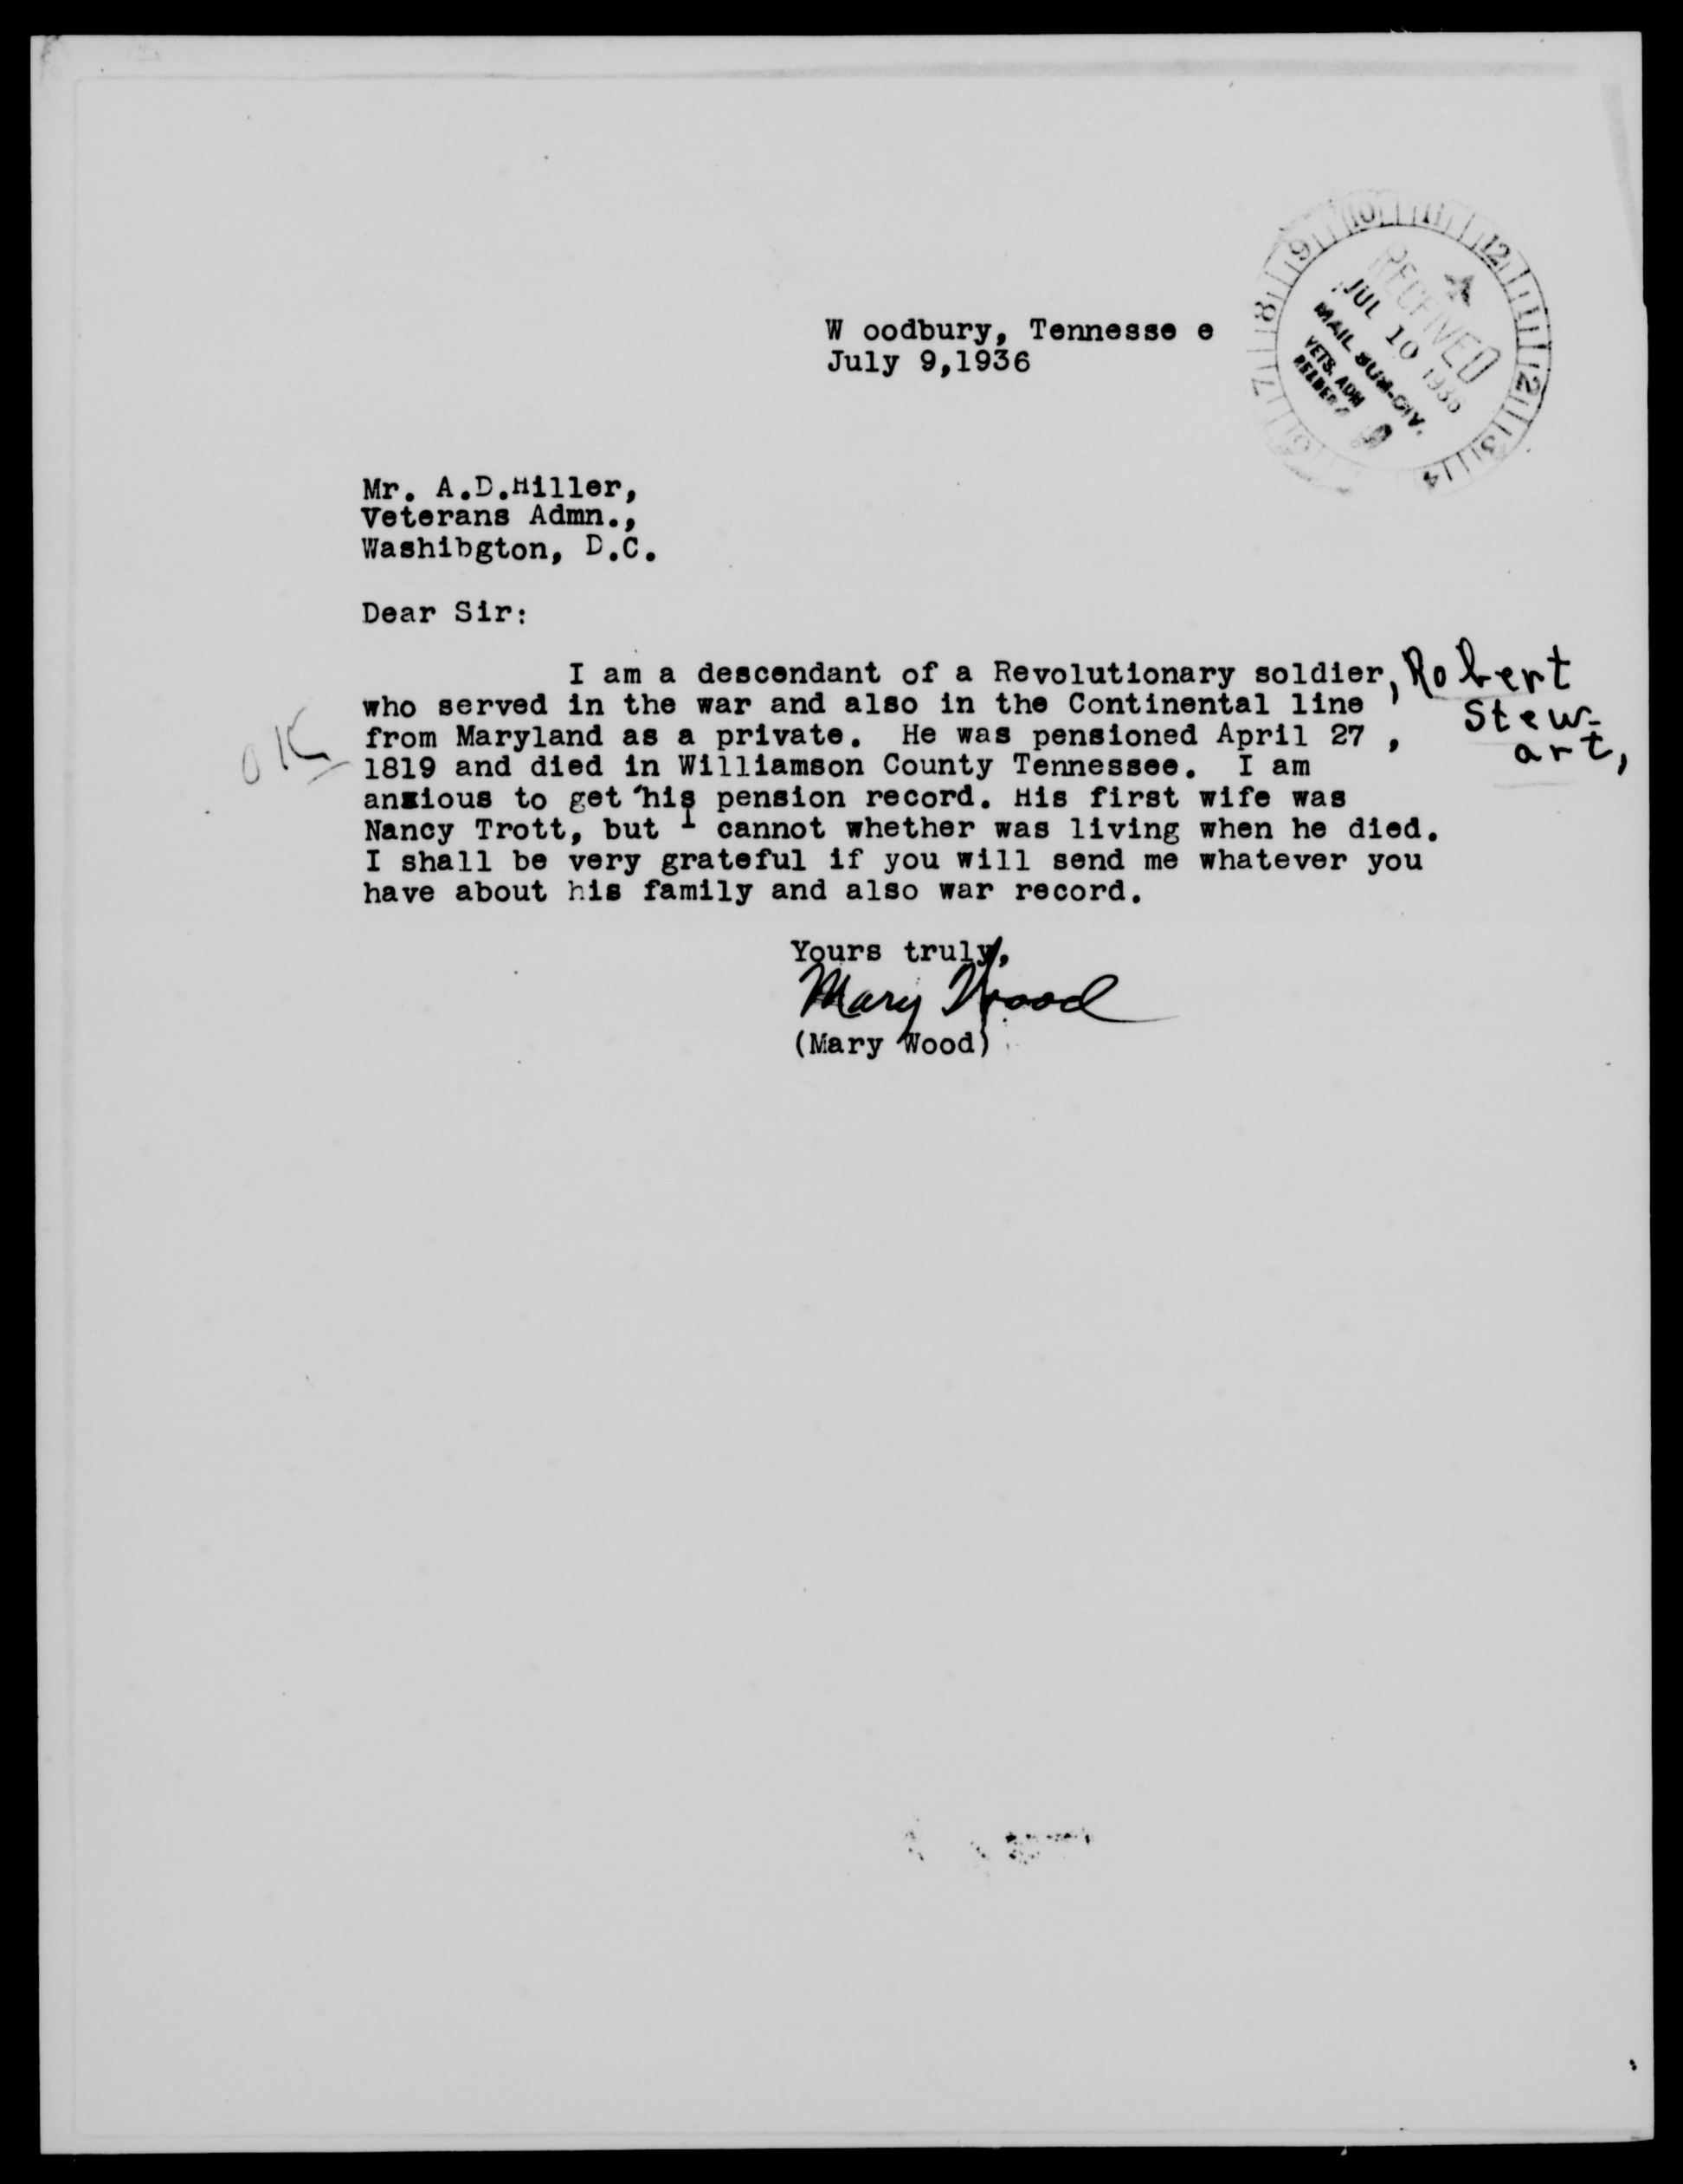Vet Adm STAMP - Received Jul 10, 1936

Woodbury, Tennessee
July 9, 1936

Mr. A.D. Hiller
Veterans Admn.
Washington, D.C.

Dear Sir:

I am a descendant of a revolutionary soldier who served in the war and also in the continental line from Maryland as a private. He was pensioned April 27, 1819, and died in Williamson County Tennessee. I am anxious to get his pension record. His first wife was Nancy Trott, but I cannot whether was living when he died. I shall be very grateful if you will send me whatever you have about his family and also war record.

Yours truly,

Mary Wood

Robert Stewart.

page: 15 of 15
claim: survivor's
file: S 39089, for Robert Stewart, Maryland